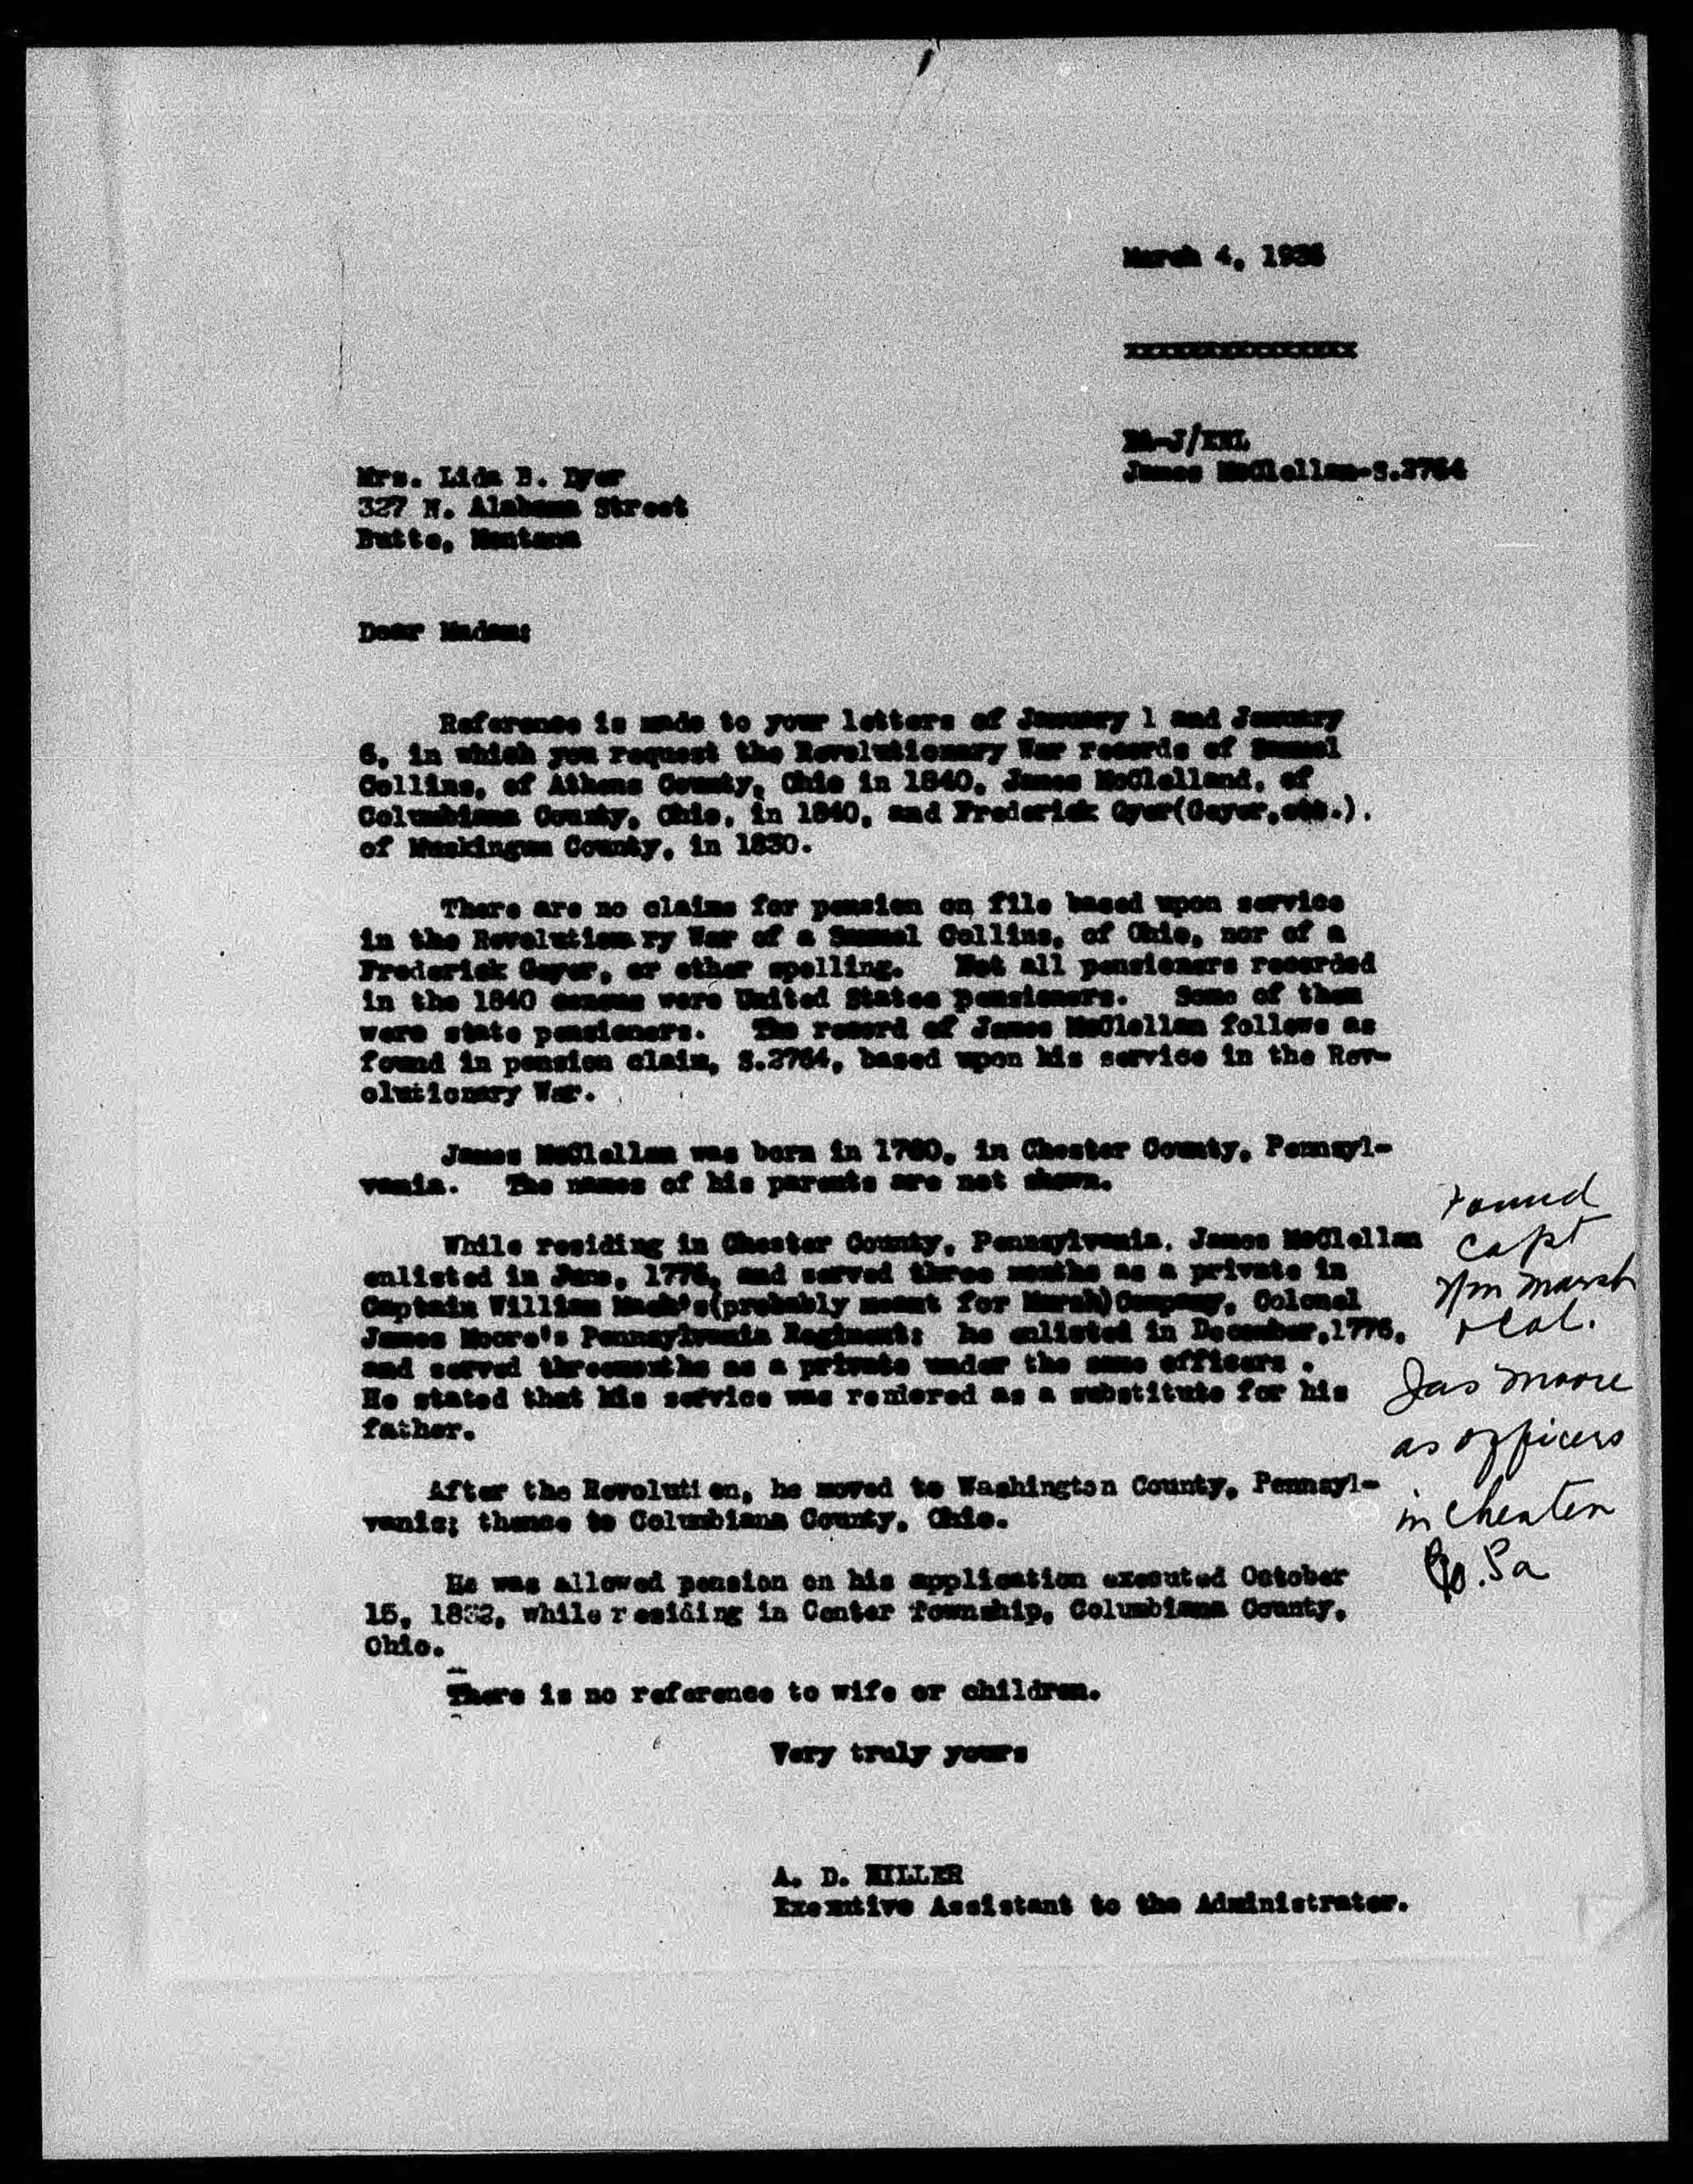March 4, 1936

BA-J/EEL
James McClellen- S.2764

Mrs Lida B Dyer
327 N Alabama Street
Butte, Montana

Dear Madam:

Reference is made to your letters of January 1 and January 6, in which you request the Revolutionary War records of Samuel Collins of Athens County, Ohio, in 1840, James McClelland, of Columbiana County, Ohio, in 1840, and Frederick Gyer (Guyer, etc) of Muskingan County, in 1830

There are no claims for pension on file based upon service in the Revolutionary War of a Samual Collins, of Ohio, nor of a Fredrick Guyer, or other spelling.  Not all pensioners recorded in the 1840 census were United States pensioners.  Some of them were state pensioners.  The record of James McClellan follows as found in pension claim, S.2764, based upon his service in the Revolutionary War.

James McClellan was born in 1760 in Chester County, Pennsylvania.  The names of his parents are not shown.

While residing in Chester County, Pennsylvania, James McClellan enlisted in June 1776 and served three months as a private in Captain William Mash's (probably mean to Marsh) Company, Colonel James Moore's Pennsylvania Regiment.  He enlisted in December 1776 and served three months as a private under the same officers.  He stated that his service was rendered as a substitute for his father.

After the Revolution, he moved to Washington County, Pennsylvania; thence to Columbiana County, Ohio.

He was allowed pension on his application executed October 15, 1832, while residing in Center Township, Columbiana County, Ohio.

There is no reference to wife or children.

Very truly yours,

AD Hiller
Executive Assistant to the Administrator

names: A D Hiller; James Mc Clellan; Jas Moore; Frederick Geyer; Samuel Collins; Wm Maret; Lida B Dyer; Frederick Gyer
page: 7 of 16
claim: survivor's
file: S. 2764, for James Mc Clellan, Pennsylvania